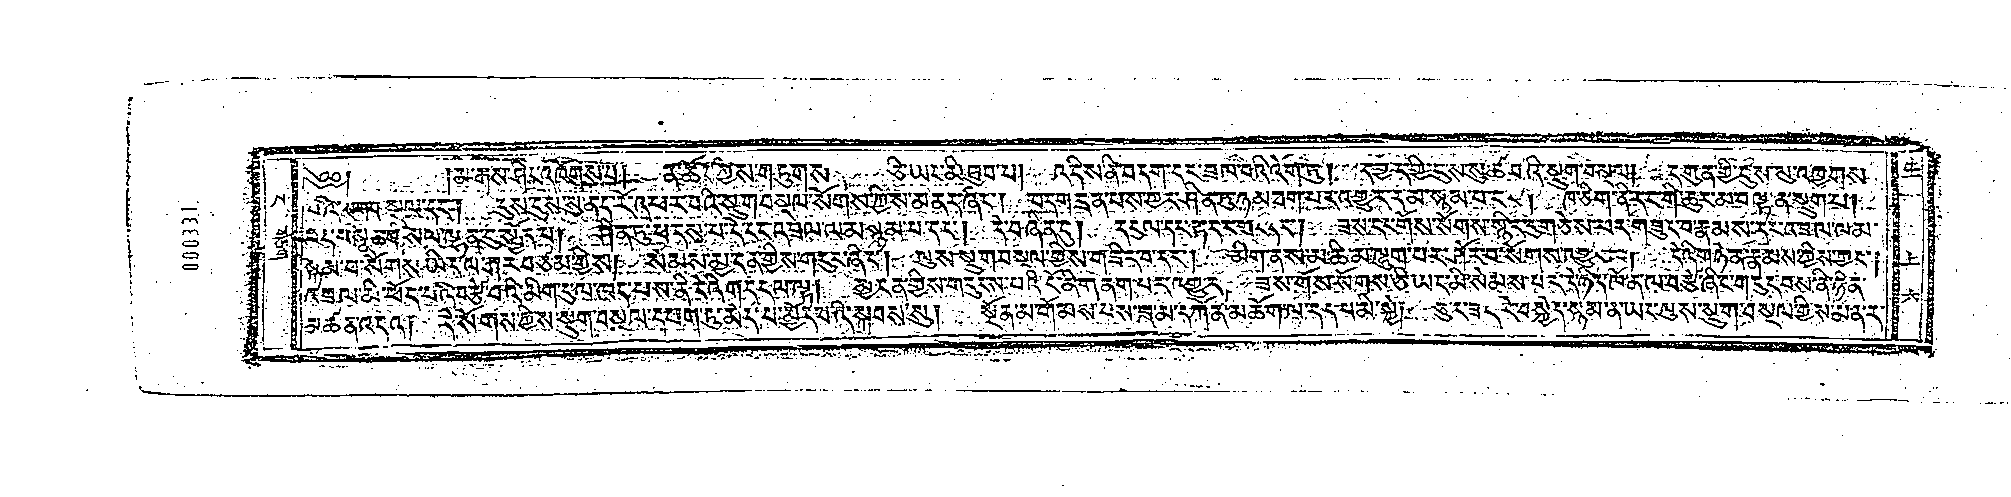༄༅། །མ་རྒས་ཤིང་འཁོགས་པ། ན་ཚོང་ཀྱིས་གཏུགས། ཅི་ཡང་མི་ཐུབ་པ། འདིས་ནི་བདག་དང་བྲལ་བའི་འོག་ཏུ། དབྱར་གྱི་དུས་སུ་ཚ་བའི་སྡུག་བསྔལ། དགུན་གྱི་དུས་སུ་འཁྱགས་
པའི་སྡུག་བསྔལ་དང་། དུས་དུས་སུ་ནད་རོ་འཕར་བའི་སྡུག་བསྔལ་སོགས་ཀྱིས་མནར་ཞིང་། བདག་དྲན་པས་ཀྱང་ཤིན་ཏུ་ཉམ་ཐག་པར་འགྱུར་རམ་སྙམ་པ་དང་། ཁ་ཅིག་ནི་རང་གི་ཆུང་མ་བལྟ་ན་སྡུག་པ།
བེད་བ་སྣ་ཚོགས་ལ་ལྷན་དུ་སྤྱོད་པ། ཤིན་ཏུ་ཕངས་པ་དེ་དང་འབྲེལ་ལམ་སྙམ་པ་དང་། དེ་བཞིན་དུ། དངུལ་དང་རྟ་དང་གླང་དང་། ཟས་དང་གོས་སོགས་སྙིང་དུ་གཅེས་པར་གཟུང་བ་རྣམས་དང་འབྲལ་ལམ་
སྙམ་པ་སོགས་ཡིད་ལ་ཤར་བཙམ་གྱིས། སེམས་མྱ་ངན་གྱིས་གདུང་ཞིང་། ལུས་སྡུག་བསྔལ་གྱིས་གཟིར་བ་དང་། མིག་ནས་མཆི་མ་ལྷུག་པར་ཤོར་བ་སོགས་འབྱུང་ལ། དེའི་གཉེན་རྣམས་ཀྱིས་ཀྱང་།
འབྲལ་མི་ཕོད་པའི་བརྩེ་བའི་མིག་དུ་ལ་ཁང་པས་ནི་དེའི་གདོང་ལ་ལྟ། མྱ་ངན་གྱིས་གདུངས་པའི་དོ་ནི་གནག་པར་འགྱུར། ཟས་གོས་སོགས་ཅི་ཡང་མི་སེམས་པར་དེ་ཉིད་ཁོ་ན་ལ་བརྩེ་ཞིང་གདུང་བས་ནི་ཉིན་
མཚན་འདའ། དེ་སོགས་ཀྱིས་སྡུག་བསྔལ་དཔག་ཏུ་མེད་པ་མྱོང་བའི་སྐབས་སུ། སྔོན་མ་གོམས་པས་བླ་མ་དཀོན་མཆོག་ལ་དད་པ་མི་སྐྱེ། ཅུང་ཟད་དེ་བསྐྱེད་སྙམ་ན་ཡང་ལུས་སྡུག་བསྔལ་གྱིས་མནར་